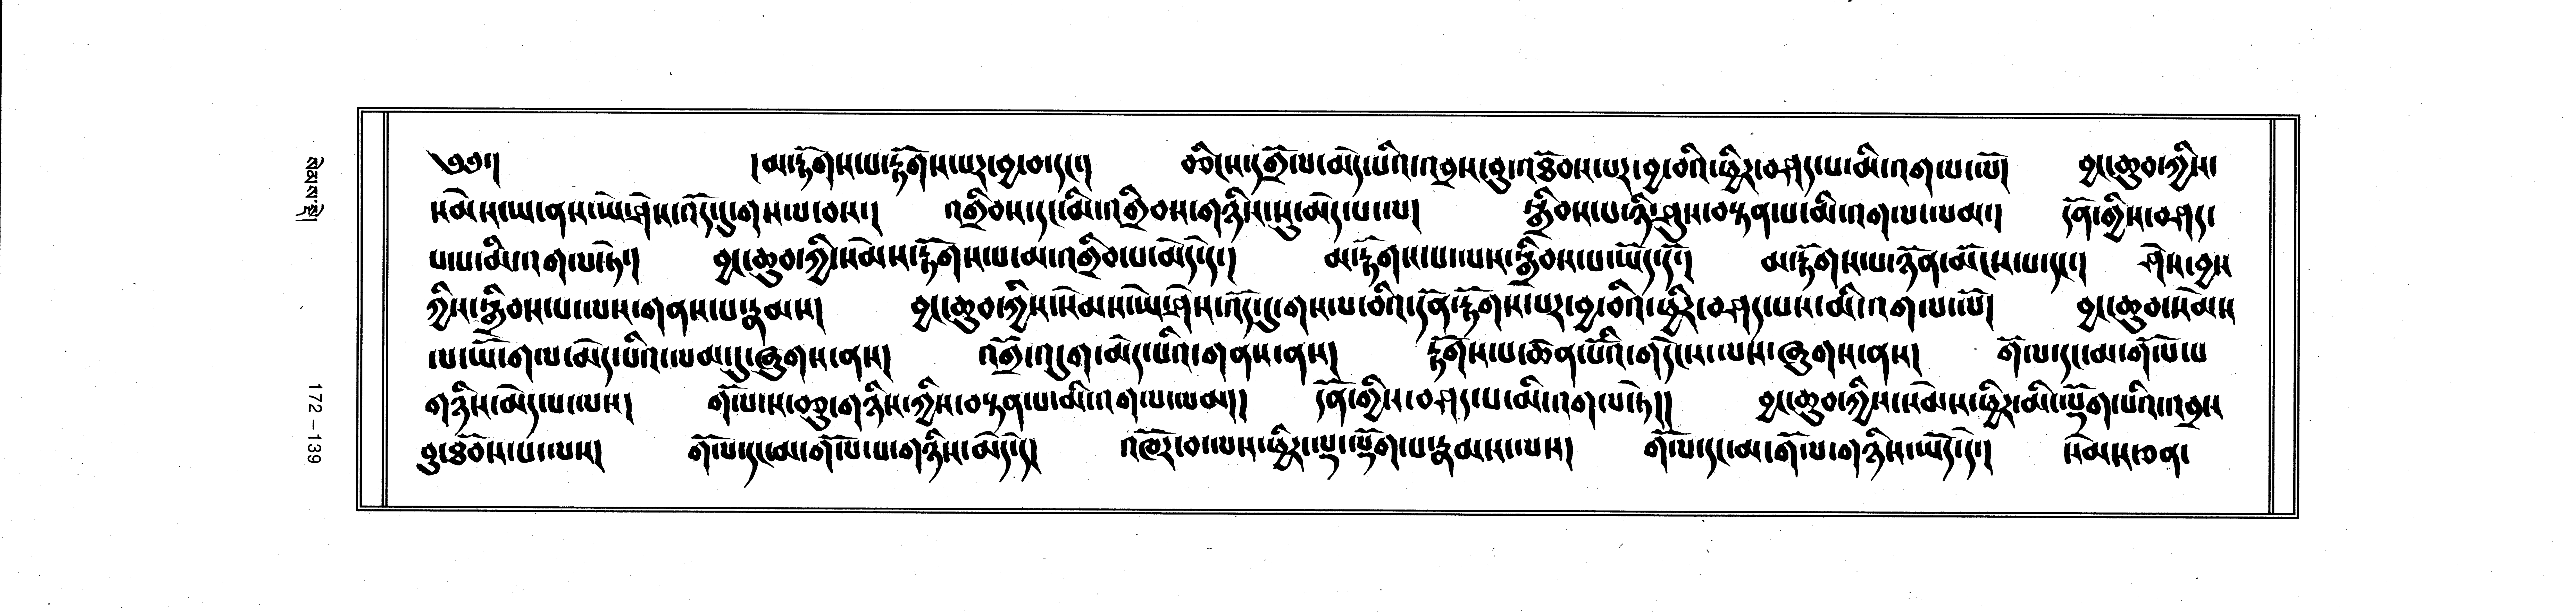མ་རྟོགས་པ་རྟོགས་པར་བྱ་བ་དང་། བཅིངས་དགྲོལ་མེད་པའི་འབྲས་བུ་འཐོབས་པར་བྱ་བའི་ཕྱིར་བཤད་པ་མི་འགལ་ལོ། བྱང་ཆུབ་ཀྱིས་
སེམས་ཡེ་ནས་ཡེ་ཤེས་འོད་དུ་གསལ་བས། འགྲིབས་དང་མི་འགྲིབས་གཉིས་སུ་མེད་པ་ལ། སྒྲིབས་པ་ཉི་ཤུས་བསྟན་པ་མི་འགལ་ལམ། དོན་གྱིས་བཤད་
པ་མི་འགལ་ཏེ། བྱང་ཆུབ་ཀྱི་སེམས་རྟོགས་པ་མ་འགྲིབ་པ་མེད་དེ། མ་རྟོགས་པ་ལས་སྒྲིབས་པ་ཡོད་དོ། མ་རྟོགས་པ་ཉོན་མོངས་པ་དང་། ཤེས་བྱས་
ཀྱིས་སྒྲིབས་པ་ལས་གནས་པ་རྣམས། བྱང་ཆུབ་ཀྱིས་སེམས་ཡེ་ཤེས་འོད་དུ་གསལ་བའི་དོན་རྟོགས་པར་བྱ་བའི་ཕྱིར་བཤད་པས་མི་འགལ་ལོ། བྱང་ཆུབ་སེམས་
ལ་ཡོ་གལ་མེད་པའི་ལམ་དུ་ཞུགས་ནས། འགྲོ་འདུག་མེད་པའི་གནས་ནས། རྟོགས་པ་ཆེན་པོའི་གདེངས་ལས་ཞུགས་ནས། གོལ་དང་མ་གོལ་པ་
གཉིས་མེད་པ་ལས། གོལ་ས་བཅུ་གཉིས་ཀྱིས་བསྟན་པ་མི་འགལ་ལམ། དོན་གྱིས་བཤད་པ་མི་འགལ་ཏེ། བྱང་ཆུབ་ཀྱིས་སེམས་ཕྱིར་མོ་ལྡོག་པའི་འབྲས་
བུ་ཐོབས་པ་ལས། གོལ་དང་མ་གོལ་པ་གཉིས་མེད་དེ། འཁོར་བ་ལས་ཕྱིར་ལྡོག་པ་རྣམས་ལས། གོལ་དང་མ་གོལ་གཉིས་ཡོད་དེ། སེམས་ཅན་